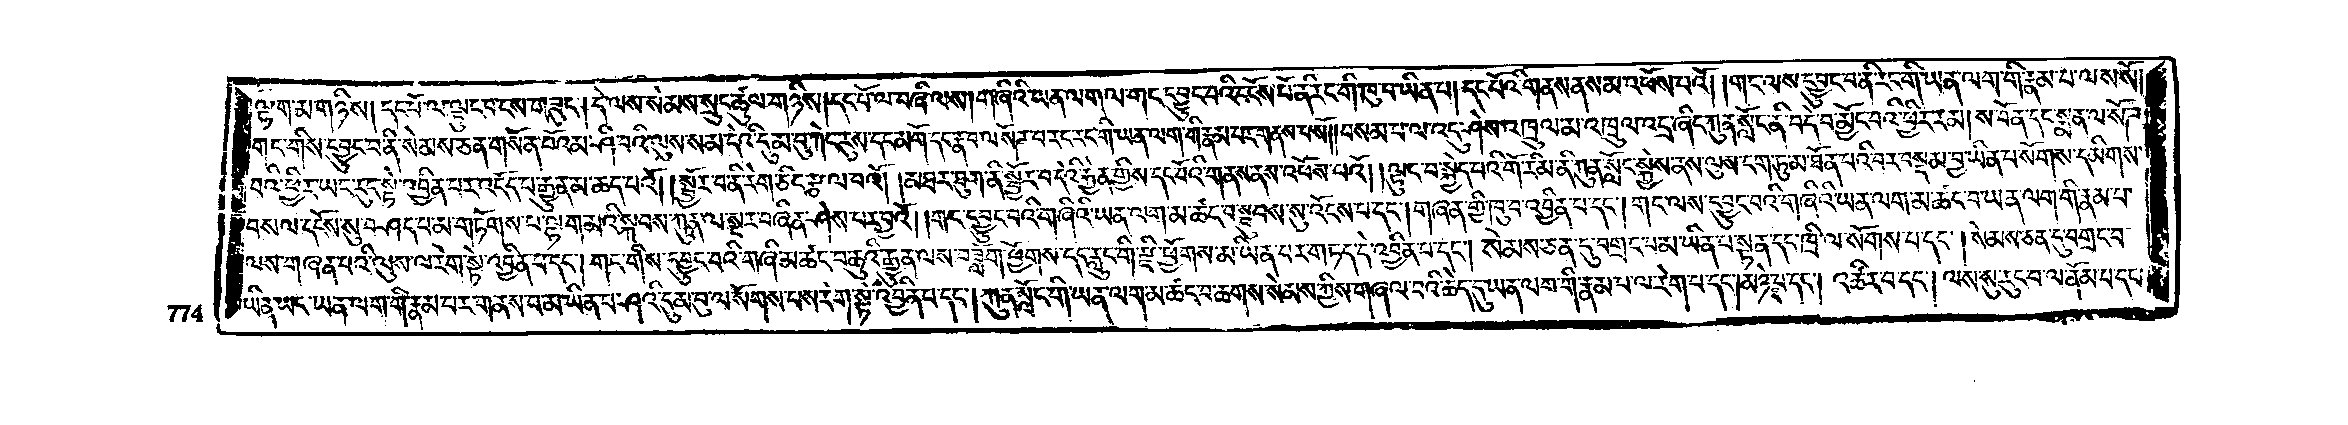ལྷག་མ་གཉིས། དང་པོ་ལ་ལྟུང་བ་ངོས་གཟུང་། དེ་ལས་སེམས་སྲུང་ཚུལ་གཉིས། དང་པོ་ལ་བཞི་ལས། གཞིའི་ཡན་ལག་ལ་གང་དབྱུང་བའི་དངོས་པོ་ནི་རང་གི་ཁུ་བ་ཡིན་པ། དང་པོའི་གནས་ནས་མ་འཕོས་པའོ། །གང་ལས་དབྱུང་བ་ནི་རང་གི་ཡན་ལག་གི་རྣམ་པ་ལས་སོ།
གང་གིས་དབྱུང་བ་ནི་སེམས་ཅན་གསོན་པོའམ་ཤི་བའི་ལུས་སམ་དེའི་དུ་མ་བུ་ཀེང་རུས་དང་མགོ་དང་རྣ་བ་ལ་སོཌ་པ་རང་རང་གི་ཡན་ལག་གི་རྣམ་པར་གནས་པ་སོ། །བསམ་པ་ལ་འདུ་ཤེས་འཁྲུལ་མ་འཁྲུལ་འདྲ་ཞིང་ཀུན་སློང་ནི་བདེ་བ་མྱོང་བའི་ཕྱིར་རམ། ས་བོན་དང་སྨན་ལ་སོགས་
པའི་ཕྱིར་ཡང་རུང་སྟེ་འབྱིན་པར་འདོད་པ་རྒྱུན་མ་ཆད་པའོ། །སྦྱོར་བ་ནི་རེག་ཅིང་རྩལ་བའོ། །མཐར་ཐུག་ནི་སྦྱོར་བ་དེའི་རྐྱེན་གྱིས་དང་པོའི་གནས་ནས་འཕོས་པའོ། །ལྟུང་བ་སྐྱེད་པའི་གོ་རིམ་ནི་ཀུན་སློང་སྐྱེས་ནས་ལུས་ངག་ཏུ་མ་ཐོན་པའི་བར་བསྡམ་བྱ་ཡིན་པ་སོགས་དམིགས་
བསལ་དངོས་སུ་བཤད་པ་མ་གཏོགས་པ་ལྷག་མའི་སྐབས་ཀུན་ལ་སྔར་བཞིན་ཤེས་པར་བྱའོ། །གང་དབྱུང་བའི་གཞིའི་ཡན་ལག་མ་ཚང་བ་སྦུབས་སུ་འོངས་བ་དང་། གཞན་གྱི་ཁུ་བ་འབྱིན་པ་དང་། གང་ལས་དབྱུང་བའི་གཞིའི་ཡན་ལག་མ་ཚང་བ་ཡན་ལག་གི་རྣམ་པ་
ལས་གཞན་པའི་ལུས་ལ་རེག་སྟེ་འབྱིན་པ་དང་། གང་གིས་དབྱུང་བའི་གཞི་མ་ཚང་བ་ཆུའི་རྒྱུན་ལས་བཟློག་ཕྱོགས་དང་རླུང་གི་རྫི་ཕྱོགས་མ་ཡིན་པར་གཏད་དེ་འབྱིན་པ་དང་། སེམས་ཅན་དུ་བགྲང་པ་མ་ཡིན་པ་སྟན་དང་ཁྲི་ལ་སོགས་པ་དང་། སེམས་ཅན་དུ་བགྲང་བ་
ཡིན་ཡང་ཡན་ལག་གི་རྣམ་པར་གནས་པ་མ་ཡིན་པ་ཤའི་དུམ་བུ་ལ་སོགས་པས་རེག་སྟེ་འབྱིན་པ་དང་། ཀུན་སློང་གི་ཡན་ལག་མ་ཚང་བ་ཆགས་སེམས་ཀྱིས་གཞལ་བའི་ཆེད་དུ་ཡན་ལག་གི་རྣམ་པ་ལ་རེག་པ་དང་། མཉེར་པ་དང་། འཚིར་བ་དང་། ལས་སུ་རུང་བ་ལ་ནོམ་པ་དང་།